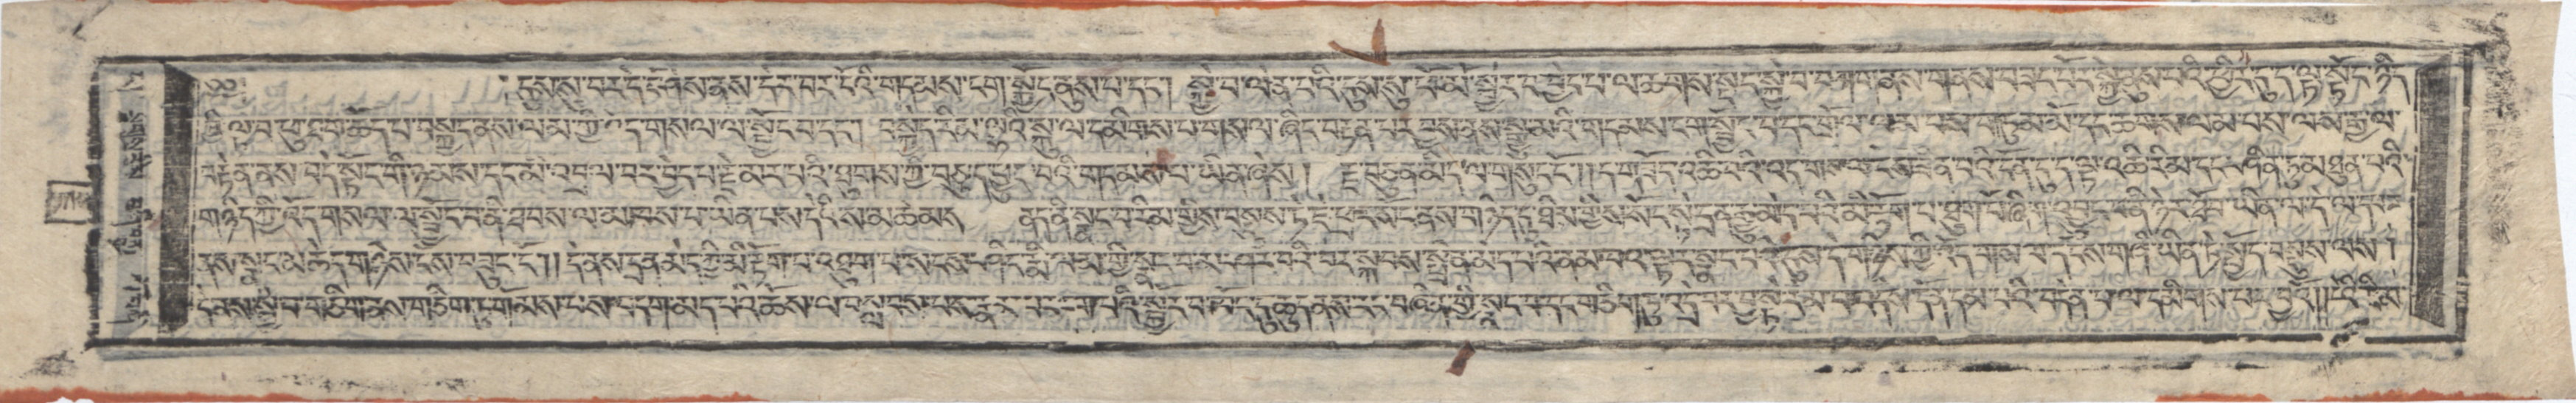༄༅། །དུས་སུ་བར་དེ་ངོ་ཤེས་ནས་དེར་བར་དོའི་གདམས་ངག་སྐྱོང་ནུས་པ་དང་། སྐྱེ་བ་ལེན་པའི་དུས་སུ་ཕོ་མོ་སྦྱོར་བ་བྱེད་པ་ལ་ཆགས་སྡང་སྐྱེ་བ་བཀག་ནས་གནས་བཟང་པོར་སྐྱེ་ནུས་པའི་ཕྱིར་དུ་ད་ལྟ་སྟོང་ཉིད་
ཀྱི་ལྟ་བ་ཕུ་ཐག་ཆོད་པ་བསྐྱེད་ནས་ལམ་གྱི་འོད་གསལ་ལ་སྦྱོང་བ་དང་། བསྐྱེད་རིམ་ལྷའི་སྐུ་ལ་དམིགས་པ་གསལ་ཞིང་བརྟན་པར་བྱས་ནས་སྒྱུ་མའི་གདམས་ངག་སྦྱོང་བ་དང་གྲོལ་ལམ་པས་གཏུམ་མོ་དང་ཆགས་ལམ་པས་ལས་རྒྱ་ལ་
བརྟེན་ནས་བདེ་སྟོང་གི་ཉམས་དང་མི་འབྲལ་བར་བྱེད་པ་རྗེ་མར་པའི་ཐུགས་ཀྱི་བཅུད་ཕྱུང་བའི་གདམས་པ་ཡིན་ཞེས། རྗེ་བཙུན་མིད་ལ་གསུང་ངོ། །ད་གཟོད་འཆི་བའི་འོད་གསལ་ངོས་ཟིན་པའི་དོན་དུ་ད་ལྟ་འཆི་རིམ་དང་ཤིན་ཏུ་མཐུན་པའི་
གཉིད་ཀྱི་འོད་གསལ་ལ་སྦྱོང་བ་ནི་ཐབས་ལ་མཁས་པ་ཡིན་པས་དེའི་ས་མཚམས་ནད་ནི་སྣང་བ་རིམ་གྱིས་བསྡུས་ཏེ་ཇེ་ཕྲར་སོང་ནས་གཉིད་དུ་ཐིམ་གྱིས་སོང་སྟེ་དྲན་རྒྱུ་མེད་པའི་མི་རྟོག་པ་ཐུག་པོ་ཞིག་འབྱུང་བ་ནི་ཉེར་ཐོབ་ཡིན་ལ་དེ་ལ་དཔགས་
ནས་སྣང་མཆེད་གཉིས་ངོས་བཟུང་ངོ། །དེ་ནས་དྲན་མེད་ཀྱི་མི་རྟོག་པ་འཐུག་པ་སངས་ཤིང་རྨི་ལམ་གྱི་སྣང་བ་མ་ཤར་བའི་བར་སྐབས་སྤྲིན་མེད་པའི་ནམ་མཁའ་ལྟར་སྣང་པའི་དུས་དེ་གཉིས་ཀྱི་འོད་གསལ་དངོས་གཞི་ཡིན་ཏེ་སྤྱོད་བསྡུས་ལས།
དེ་ནས་སྐྱེ་བ་གཅིག་ནས་གཅིག་ཏུ་གོམས་པས་བདག་མེད་པའི་ཆོས་ལ་བསླབས་པས་རྣམ་པར་དག་པའི་སྦྱོར་བ་ཁོང་དུ་ཆུད་ནས་རང་བཞིན་གྱི་སྣང་བ་དང་གཅིག་ཏུ་འདྲི་བར་བྱ་སྟེ་རིམ་པ་འདིས་དོན་དམ་པའི་བདེན་པ་ལ་དམིགས་པར་བྱའོ། །དེའི་རིམ་